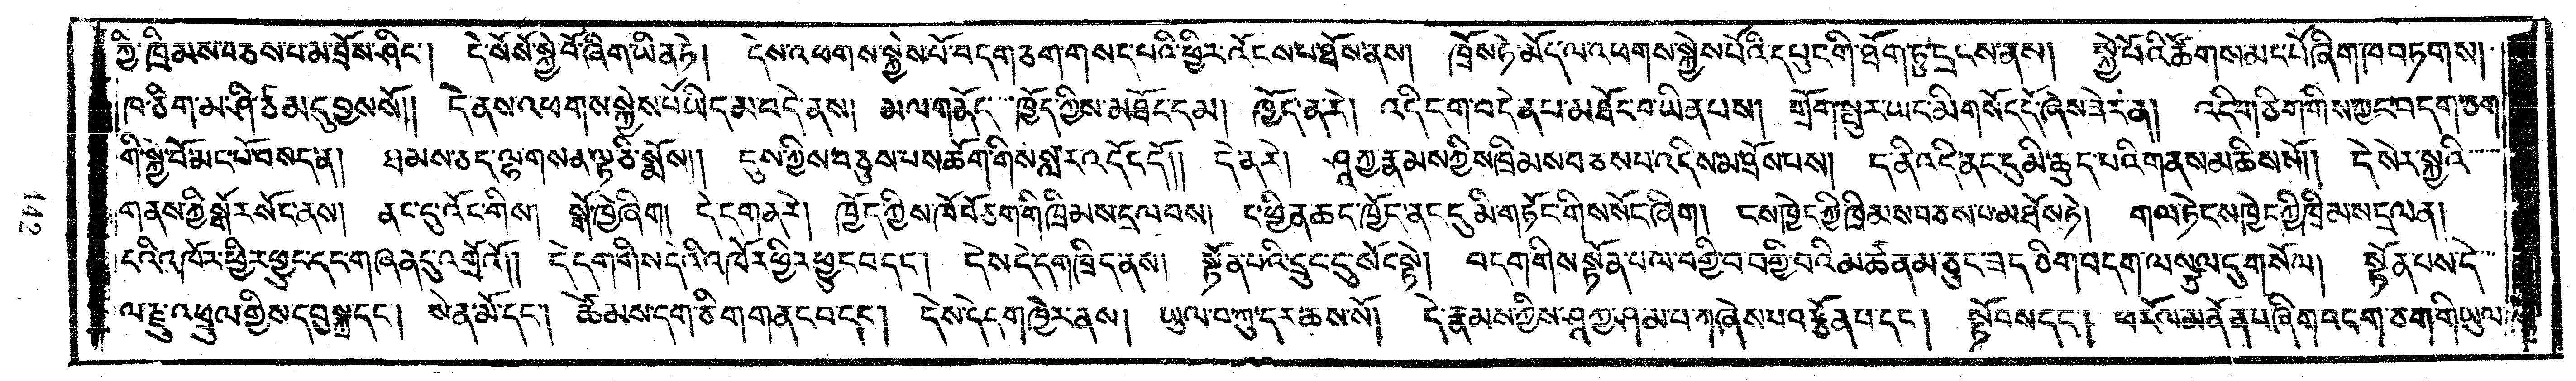ཀྱི་ཁྲིམས་བཅས་པ་མ་བྲོས་ཤིང་། དེ་སོ་སོ་སྐྱེ་བོ་ཞིག་ཡིན་ཏེ། དེས་འཕགས་སྐྱེས་པོ་བདག་ཅག་གསད་པའི་ཕྱིར་འོངས་པ་ཐོས་ནས། ཁྲོས་ཏེ་མོད་ལ་འཕགས་སྐྱེས་པོའི་དཔུང་གི་ཐོག་ཏུ་དྲངས་ནས། སྐྱེ་པོའི་ཚོགས་མང་པོ་ཞིག་ཁ་བཏགས།
ཁ་ཅིག་མ་ཤི་ཙམ་དུ་བྱས་སོ། །དེ་ནས་འཕགས་སྐྱེས་པོ་ཡིད་མ་བདེ་ནས། མལ་གནོད་ཁྱོད་ཀྱིས་མཐོང་དམ། ཁྱོད་ན་རེ། འདི་དག་བདེན་པ་མཐོང་བ་ཡིན་པས། གྲོག་སྤུར་ཡང་མི་གསོད་དོ་ཞེས་ཟེར་ན། འདི་གཅིག་གིས་ཀྱང་བདག་ཅག་
གི་སྐྱེ་བོ་མང་པོ་བསད་ན། ཐམས་ཅད་ལྷ་གསན་ལྟ་ཅི་སྨོས། དུས་ཀྱིས་བཅུས་པས་ཆོག་གི་སླར་འདོད་དོ། །དེ་ན་རེ། ཤཱཀྱ་རྣམས་ཀྱིས་ཁྲིམས་བཅས་པ་འདི་ས་མ་ཐོས་པས། ད་ནི་འདི་ནང་དུ་མི་ཆུད་པའི་གནས་མཆིས་སོ། །དེ་སེར་སྐྱའི་
གནས་ཀྱི་སྒོར་སོང་ནས། ནང་དུ་འོང་གིས། སྒོ་ཁྱེ་ཞིག། དེ་དག་ན་རེ། ཁྱོད་ཀྱིས་ཁོ་བོ་ཅག་གི་ཁྲིམས་དྲལ་བས། ད་ཕྱིན་ཆད་ཁྱོད་ནང་དུ་མི་གཏོང་གིས་སོང་ཞིག། ངས་ཁྱེད་ཀྱི་ཁྲིམས་བཅས་པ་མཐོས་ཏེ། གལ་ཏེངས་ཁྱེད་ཀྱི་ཁྲིམས་དྲལ་ན།
ངའི་འཁོར་ཕྱིར་ཕྱུང་དང་གཞན་དུ་འགྲོའོ། །དེ་དག་གིས་དེའི་འཁོར་ཕྱིར་ཕྱུང་བ་དང་། དེས་དེ་དག་ཁྲིད་ནས། སྟོན་པའི་དྲུང་དུ་སོང་སྟེ། བདག་གིས་སྟོན་པ་ལ་བགྱི་བ་བགྱི་བའི་མཚན་མ་ཅུང་ཟད་ཅིག་བདག་ལ་སྩལ་དུ་གསོལ། སྟོན་པས་དེ་
ལ་རྫུ་འཕྲུལ་གྱིས་དབུ་སྐྲ་དང་། སེན་མོ་དང་། ཚེམས་དག་ཅིག་གནང་བ་དང་། དེས་དེ་དག་ཁྱེར་ནས། ཡུལ་བ་ཀུ་དར་ཆས་སོ། དེ་རྣམས་ཀྱིས་ཤཱཀྱ་ཤ་མ་ཀ་ཞེས་པ་བརྩོན་པ་དང་། སྟོབས་དང་། ཕ་རོལ་མནོན་པ་ཞིག་བདག་ཅག་གི་ཡུལ་